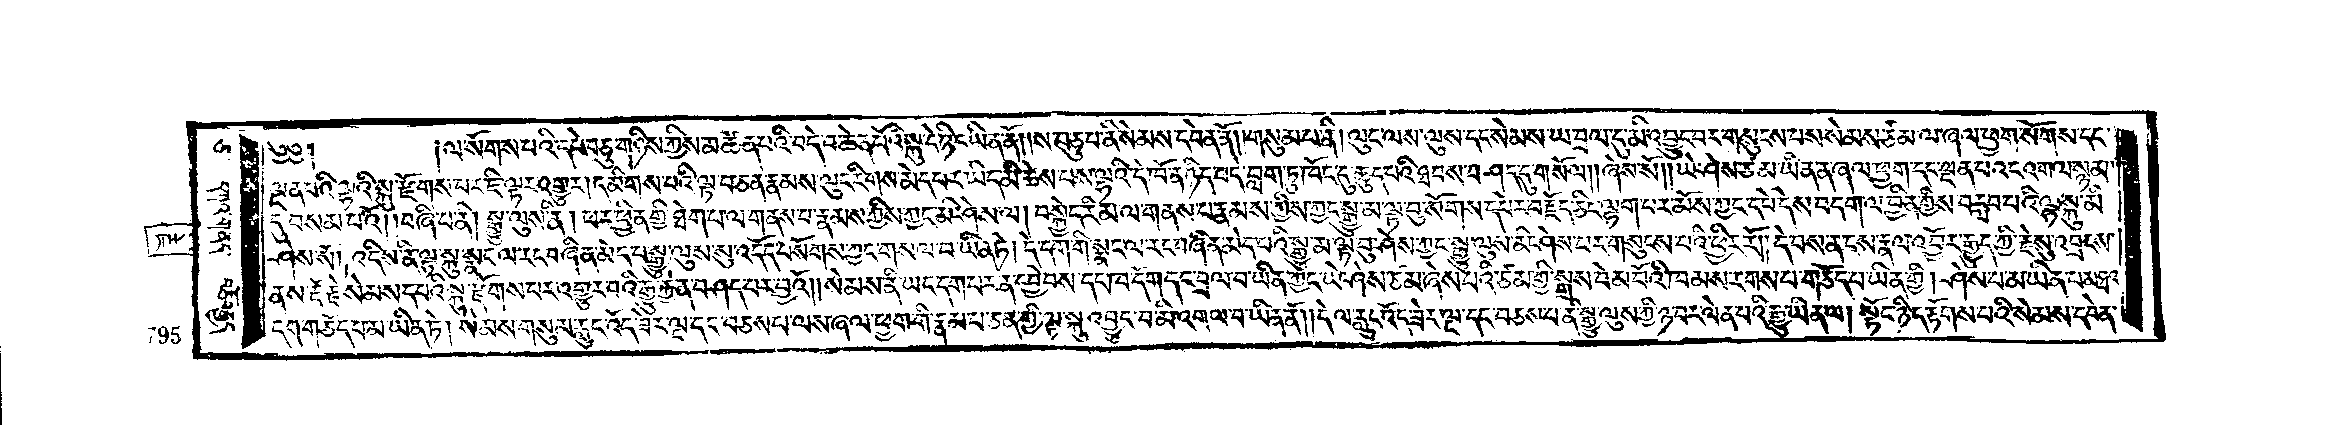༄༅། །ལ་སོགས་པའི་དཔེ་བཅུ་གཉིས་ཀྱིས་མཚོན་པའི་བདེ་བ་ཆེན་པོའི་སྐུ་དེ་ཉིད་ཡིན་ནོ། །ས་བཅུ་པ་ནི་སེམས་དབེན་ནོ། །གསུམ་པ་ནི། ལུང་ལས་ལུས་དང་སེམས་ཡ་བྲལ་དུ་མི་འབྱུང་བར་གསུངས་པས་སེམས་ཙམ་ལ་ཞལ་ཕྱག་སོགས་དང་
ལྡན་པའི་ལྷའི་སྐུ་རྫོགས་པར་ཇི་ལྟར་འགྱུར། དམིགས་པའི་ལྟ་བ་ཅན་རྣམས་ལུང་རིགས་མེད་པར་ཡིད་མི་ཆེས་པས་ལྷའི་དེ་ཁོ་ན་ཉིད་བདེ་བླག་ཏུ་ཁོང་དུ་ཆུད་པའི་ཐབས་བཤད་དུ་གསོལ། །ཞེས་སོ། །ཡེ་ཤེས་ཙམ་ཡིན་ན་ཞལ་ཕྱག་དང་ལྡན་པའང་འགལ་སྙམ་
དུ་བསམ་པའོ། །བཞི་པ་ནི། སྒྱུ་ལུས་ནི། ཕར་ཕྱིན་གྱི་ཐེག་པ་ལ་གནས་པ་རྣམས་ཀྱིས་ཀྱང་མི་ཤེས་ལ། བསྐྱེད་རིམ་ལ་གནས་པ་རྣམས་ཀྱིས་ཀྱང་སྒྱུ་མ་ལྟ་བུ་སོགས་དཔེར་བརྗོད་ཅིང་ལྷག་པར་མོས་ཀྱང་དཔེ་དེས་བདག་ལ་བྱིན་གྱིས་བརླབ་པའི་ལྷ་སྐུ་མི་
ཤེས་སོ། །འདིས་ནི་ལྷ་སྐུ་སྣང་ལ་རང་བཞིན་མེད་པ་སྒྱུ་ལུས་སུ་འདོད་པ་སོགས་ཀྱང་གསལ་བ་ཡིན་ཏེ། དེ་དག་གི་སྣང་ལ་རང་བཞིན་མེད་པའི་སྒྱུ་མ་ལྟ་བུ་ཤེས་ཀྱང་སྒྱུ་ལུས་མི་ཤེས་པར་གསུངས་པའི་ཕྱིར་རོ། །དེ་བས་ན་ངས་རྣལ་འབྱོར་རྒྱུད་ཀྱི་རྗེས་སུ་འབྲངས་
ནས་རྡོ་རྗེ་སེམས་དཔའི་སྐུ་རྫོགས་པར་འགྱུར་བའི་རྒྱུ་རྐྱེན་བཤད་པར་བྱའོ། །སེམས་ནི་ཡང་དག་པར་ན་དབྱིབས་དང་ཁ་དོག་དང་བྲལ་བ་ཡིན་ཀྱང་ཡེ་ཤེས་ཙམ་ཞེས་པའི་ཙམ་གྱི་སྒྲས་བེམ་པོའི་ཁམས་རགས་པ་གཅོད་པ་ཡིན་གྱི། ཤེས་པ་མ་ཡིན་པ་མཐའ་
དག་གཅོད་པ་མ་ཡིན་ཏེ། སེམས་གསུམ་རླུང་འོད་ཟེར་ལྔ་དང་བཅས་པ་ལས་ཞལ་ཕྱག་གི་རྣམ་པ་ཅན་གྱི་ལྷ་སྐུ་འབྱུང་བ་མི་འགལ་བ་ཡིན་ནོ། །དེ་ལ་རླུང་འོད་ཟེར་ལྔ་དང་བཅས་པ་ནི་སྒྱུ་ལུས་ཀྱི་ཉེ་བར་ལེན་པའི་རྒྱུ་ཡིན་ལ། སྟོང་ཉིད་རྟོགས་པའི་སེམས་དབེན་